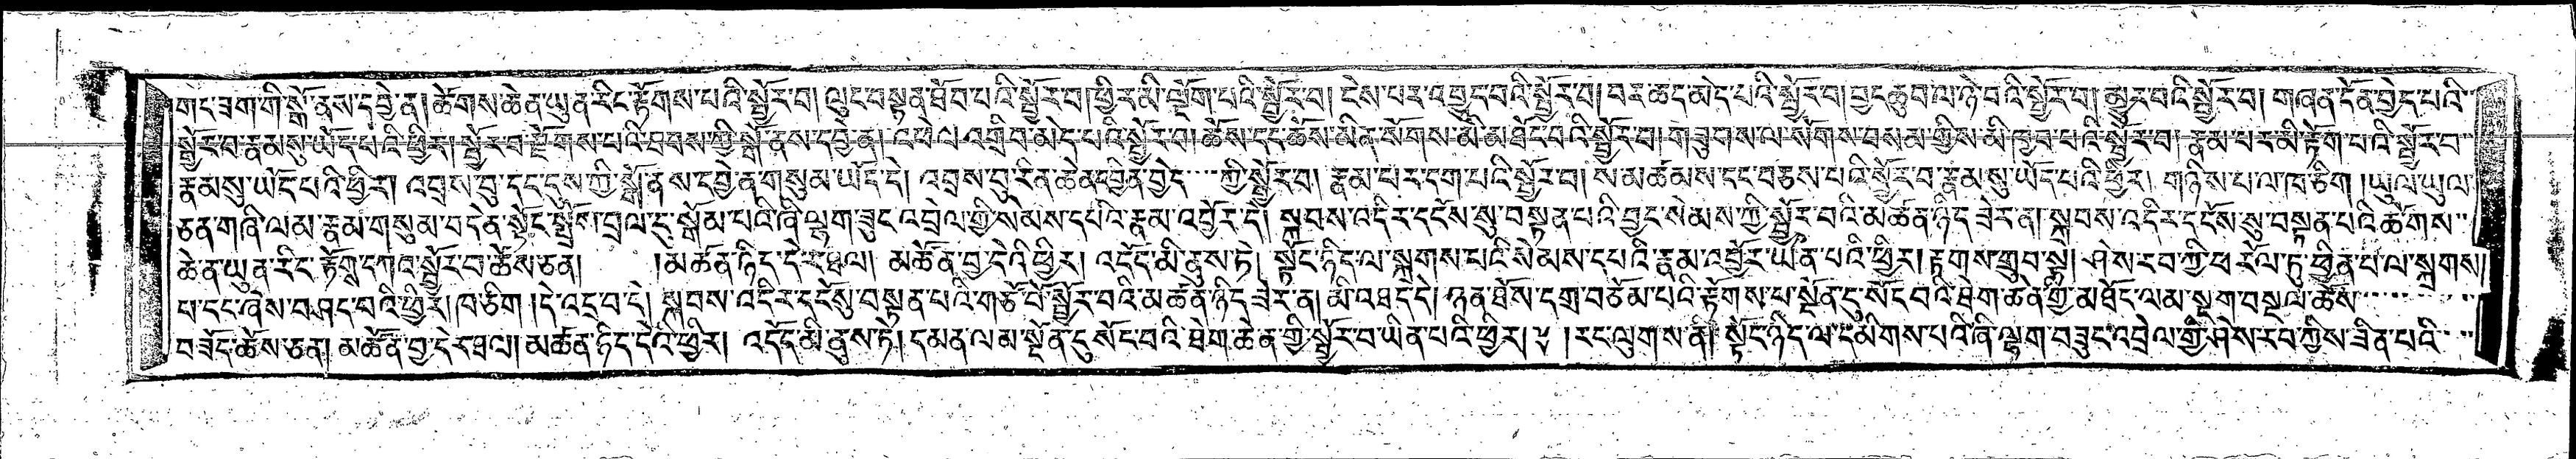གང་ཟག་གི་སྒོ་ནས་དབྱེ་ན། ཚོགས་ཆེན་ཡུན་རིང་རྟོགས་པའི་སྦྱོར་བ། ལུང་བསྟན་ཐོབ་པའི་སྦྱོར་བ། ཕྱིར་མི་ལྡོག་པའི་སྦྱོར་བ། ངེས་པར་འབྱུང་བའི་སྦྱོར་བ། བར་ཆད་མེད་པའི་སྦྱོར་བ། བྱང་ཆུབ་ལ་ཉེ་བའི་སྦྱོར་བ། མྱུར་བའི་སྦྱོར་བ། གཞན་དོན་བྱེད་པའི་
སྦྱོར་བ་རྣམས་སུ་ཡོད་པའི་ཕྱིར། སྦྱོར་བ་རྫོགས་པའི་ཐབས་ཀྱི་སྒོ་ནས་དབྱེ་ན། འཕེལ་འགྲིབ་མེད་པའི་སྦྱོར་བ། ཆོས་དང་ཆོས་མིན་སོགས་མི་མཐོང་བའི་སྦྱོར་བ། གཟུགས་ལ་སོགས་བསམ་གྱིས་མི་ཁྱབ་པའི་སྦྱོར་བ། རྣམ་པར་མི་རྟོག་པའི་སྦྱོར་བ་
རྣམས་སུ་ཡོད་པའི་ཕྱིར། འབྲས་བུ་དང་དུས་ཀྱི་སྒོ་ནས་དབྱེ་ན་གསུམ་ཡོད་དེ། འབྲས་བུ་རིན་ཆེན་དབྱིན་བྱེད་ཀྱི་སྦྱོར་བ། རྣམ་པར་དག་པའི་སྦྱོར་བ། ས་མཚམས་དང་བཅས་པའི་སྦྱོར་བ་རྣམས་སུ་ཡོད་པའི་ཕྱིར། གཉིས་པ་ལ་ཁ་ཅིག །ཡུལ་ཡུལ་
ཅན་གཞི་ལམ་རྣམ་གསུམ་བདེན་སྟོང་སྤྲོས་བྲལ་དུ་སྒོམ་པའི་ཞི་ལྷག་ཟུང་འབྲེལ་གྱི་སེམས་དཔའི་རྣམ་འབྱོར་དེ། སྐབས་འདིར་དངོས་སུ་བསྟན་པའི་བྱང་སེམས་ཀྱི་སྦྱོར་བའི་མཚན་ཉིད་ཟེར་ན། སྐབས་འདིར་དངོས་སུ་བསྟན་པའི་ཚོགས་
ཆེན་ཡུན་རིང་རྟོགས་དཀའ་སྦྱོར་བ་ཆོས་ཅན། །མཚན་ཉིད་དེར་ཐལ། མཚོན་བྱ་དེའི་ཕྱིར། འདོད་མི་ནུས་ཏེ། སྟོང་ཉིད་ལ་ཀྲགས་པའི་སེམས་དཔའི་རྣམ་འབྱོར་ཡིན་པའི་ཕྱིར། རྟགས་གྲུབ་སྟེ། ཤེས་རབ་ཀྱི་ཕ་རོལ་ཏུ་ཕྱིན་པ་ལ་སྐྲགས།
པ་དང་ཞེས་བཤད་པའི་ཕྱིར། ཁ་ཅིག །དེ་འདྲ་བ་དེ། སྐབས་འདིར་དངོས་སུ་བསྟན་པའི་གཙོ་བོ་སྦྱོར་བའི་མཚན་ཉིད་ཟེར་ན། མི་འཐད་དེ། ཉན་ཐོས་དགྲ་བཅོམ་པའི་རྟོགས་པ་སྔོན་དུ་སོང་བའི་ཐེག་ཆེན་གྱི་མཐོང་ལམ་སྡུག་བསྔལ་ཆོས་
བཟོད་ཆོས་ཅན། མཚོན་བྱ་དེར་ཐལ། མཚན་ཉིད་དེའི་ཕྱིར། འདོད་མི་ནུས་ཏེ། དམན་ལམ་སྔོན་དུ་སོང་བའི་ཐེག་ཆེན་གྱི་སྦྱོར་བ་ཡིན་པའི་ཕྱིར། ༈ །རང་ལུགས་ནི། སྟོང་ཉིད་ལ་དམིགས་པའི་ཞི་ལྷག་བཟུང་འབྲེལ་གྱི་ཤེས་རབ་ཀྱིས་ཟིན་པའི་